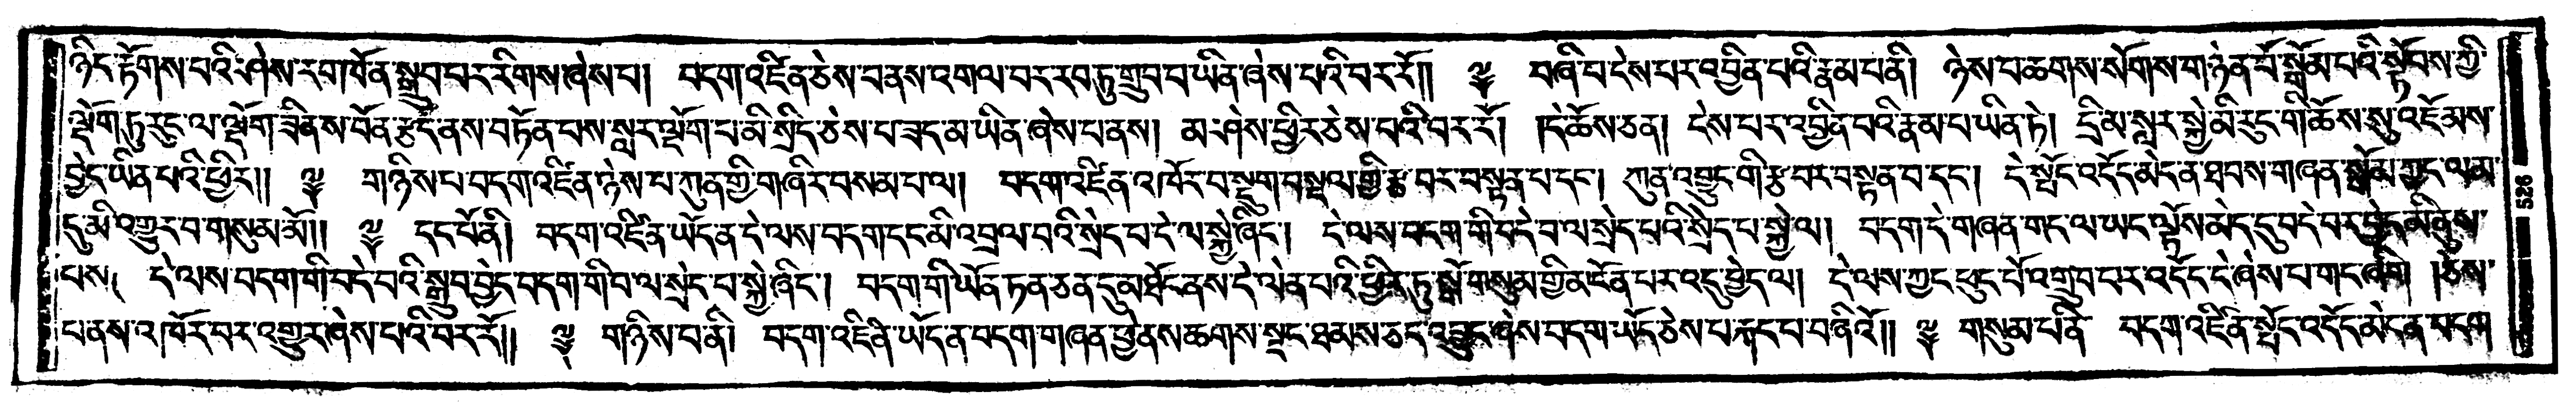ཉིད་རྟོགས་པའི་ཤེས་རབ་ཁོ་ན་སྒྲུབ་པར་རིགས་ཞེས་པ། བདག་འཛིན་ཅེས་པ་ནས་འགལ་བར་རབ་ཏུ་གྲུབ་པ་ཡིན་ཞེས་པའི་བར་རོ།། ༈ བཞི་པ་ངེས་པར་འབྱིན་པའི་རྣམ་པ་ནི། ཉེས་པ་ཆགས་སོགས་གཉེན་པོ་སྒོམ་པའི་སྟོབས་ཀྱི་
ལྡོག་ཏུ་རུང་ལ་ལྡོག་ཟིན་ས་བོན་རྩད་ནས་བཏོན་པས་སླར་ལྡོག་པ་མི་སྲིད་ཅེས་པ་ཟད་མ་ཡིན་ཞེས་པ་ནས། མ་ཤེས་ཕྱིར་ཅེས་པའི་བར་རོ། །དེ་ཆོས་ཅན། ངེས་པར་འབྱིན་པའི་རྣམ་པ་ཡིན་ཏེ། དྲི་མ་སླར་སྐྱེ་མི་རུང་གི་ཆོས་སུ་འཇོམས་
བྱེད་ཡིན་པའི་ཕྱིར།། ༈ གཉིས་པ་བདག་འཛིན་ཉེས་པ་ཀུན་གྱི་གཞིར་བསམ་པ་ལ། བདག་འཛིན་འཁོར་བ་སྡུག་བསྔལ་གྱི་རྩ་བར་བསྟན་པ་དང་། ཀུན་འབྱུང་གི་རྩ་བར་བསྟན་པ་དང་། དེ་སྤོང་འདོད་མེད་ན་ཐབས་གཞན་སྒོམ་ཀྱང་ལམ་
དུ་མི་འགྱུར་བ་གསུམ་མོ།། ༈ དང་པོ་ནི། བདག་འཛིན་ཡོད་ན་དེ་ལས་བདག་དང་མི་འབྲལ་བའི་སྲེད་པ་དེ་ལ་སྐྱེ་ཞིང་། དེ་ལས་བདག་གི་བདེ་བ་ལ་སྲེད་པའི་སྲེད་པ་སྐྱེ་ལ། བདག་དེ་གཞན་གང་ལ་ཡང་ལྟོས་མེད་དུ་བདེ་བར་བྱེད་མི་ནུས་
པས། དེ་ལས་བདག་གི་བདེ་བའི་སྒྲུབ་བྱེད་བདག་གི་བ་ལ་སྲེད་པ་སྐྱེ་ཞིང་། བདག་གི་ཡོན་ཏན་ཅན་དུ་མཐོང་ནས་དེ་ལེན་པའི་ཕྱིར་ཏུ་སྒོ་གསུམ་གྱི་མངོན་པར་འདུ་བྱེད་ལ། དེ་ལས་ཀྱང་ཕུང་པོ་འགྲུབ་པར་འདོད་དེ་ཞེས་པ་གང་ཞིག །ཅེས་
པ་ནས་འཁོར་བར་འགྱུར་ཞེས་པའི་བར་རོ།། ༈ གཉིས་པ་ནི། བདག་འཛིན་ཡོད་ན་བདག་གཞན་ཕྱེ་ནས་ཆགས་སྡང་ཐམས་ཅད་འབྱུང་ཞེས་བདག་ཡོད་ཅེས་པ་རྐང་པ་བཞིའོ།། ༈ གསུམ་པ་ནི། བདག་འཛིན་སྤོང་འདོད་མེད་ན་བདག་